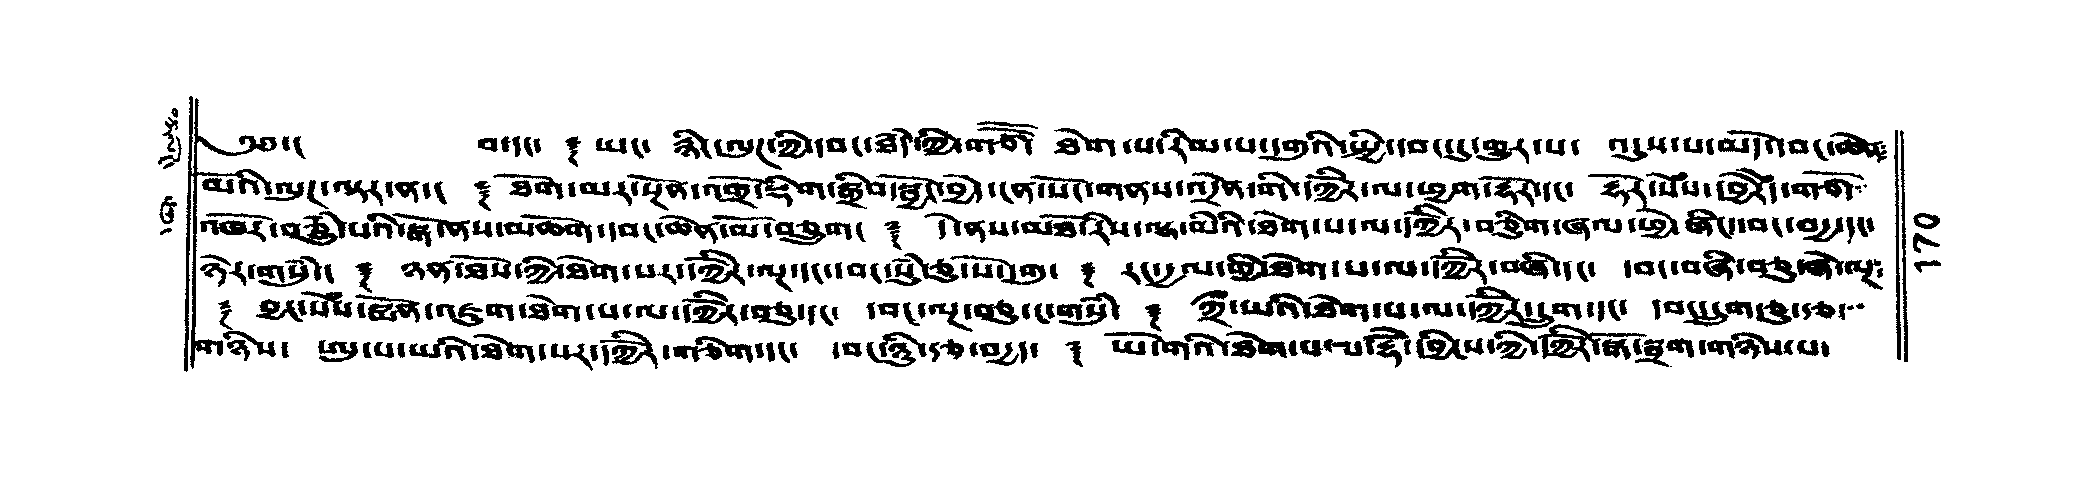བ་དང་། ཡང་། རྙིང་ལུགས་ཀྱི་དབང་ཐམས་ཅད་ཀྱི་གཙོ་བོ་ཐེག་པ་རིམ་པ་དགུའི་སྤྱི་དབང་དུ་གྱུར་པ། འདུས་པ་མདོ་དབང་ཆེན་
མོའི་ལུགས་ལྟར་ན། ཐོག་མར་སྔོན་འགྲོ་སྡིག་སྒྲིབ་སྦྱོང་བྱེད་ངན་སོང་གནས་འདྲེན་གི་དཀྱིལ་འཁོར་ལ་ཕྱག་རྡོར་དང་། རྡོར་སེམས་དབྱེར་མེད་གཙོ་
འཁོར་བཅུ་གསུམ་པའི་སྒོ་ནས་མཆོག་དབང་ཆེན་མོ་བཅུ་དྲུག དེ་ནས་མཐོ་རིས་ལྷ་མིའི་ཐེག་པ་ལ་དཀྱིལ་འཁོར་བཅུ་གཅིག་ཞལ་ཕྱེ་ཞིང་དབང་བརྒྱ་དང་
ཉེར་གསུམ། ཉན་ཐོས་ཀྱི་ཐེག་པ་ལ་དཀྱིལ་འཁོར་ལྔ་དང་དབང་སུམ་ཅུ་སོ་དགུ རང་རྒྱལ་གྱི་ཐེག་པ་ལ་དཀྱིལ་འཁོར་བཞི་དང་། དབང་བཞི་བཅུ་ཞེ་ལྔ། 
བྱང་སེམས་སྨོན་འཇུག་ཐེག་པ་ལ་དཀྱིལ་འཁོར་བཅུ་དང་།དབང་ལྔ་བཅུ་ང་གསུམ། ཀྲྀ་ཡའི་དཀྱིལ་འཁོར་དྲུག་དང་། དབང་དྲུག་ཅུ་རྩ་
གཉིས། ཨུ་པ་ཡའི་ཐེག་པར་དཀྱིལ་འཁོར་གཅིག་དང་། དབང་ཉི་ཤུ་རྩ་བརྒྱད། ཡོ་གའི་ཐེག་པ་ལ་རྡོ་རྗེ་དབྱིངས་ཀྱི་དཀྱིལ་འཁོར་སྒོ་སྦྲགས་གཉིས་པ་